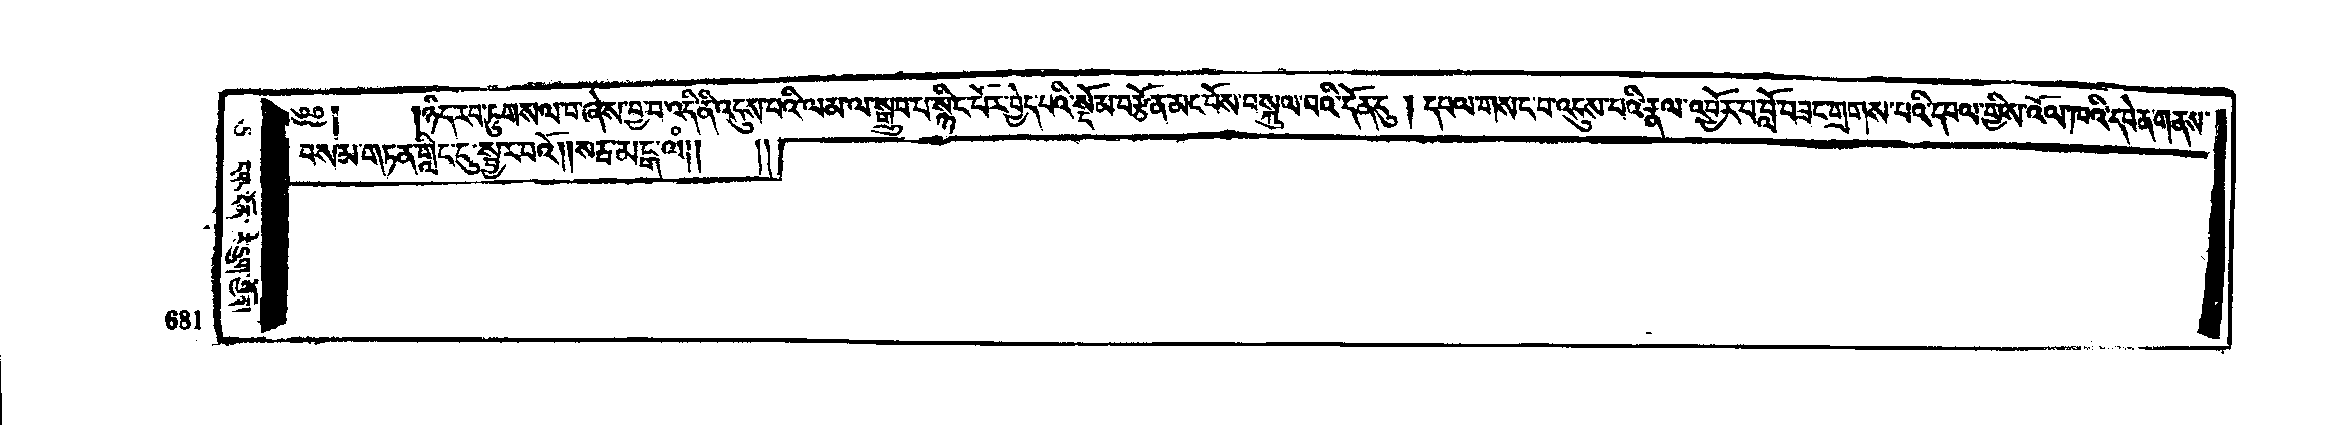༄༅། །ཉིད་རབ་ཏུ་གསལ་བ་ཞེས་བྱ་བ་འདི་ནི་འདུས་པའི་ལམ་ལ་སྒྲུབ་པ་སྙིང་པོར་བྱེད་པའི་སྡོམ་བརྩོན་མང་པོས་བསྐུལ་བའི་དོན་དུ། དཔལ་གསང་བ་འདུས་པའི་རྣལ་འབྱོར་པ་བློ་བཟང་གྲགས་པའི་དཔལ་གྱིས་འོལ་ཁའི་དབེན་གནས་
བསམ་གཏན་གླིང་དུ་སྦྱར་བའོ། །སརྦ་མངྒ་ལཾ།། །།